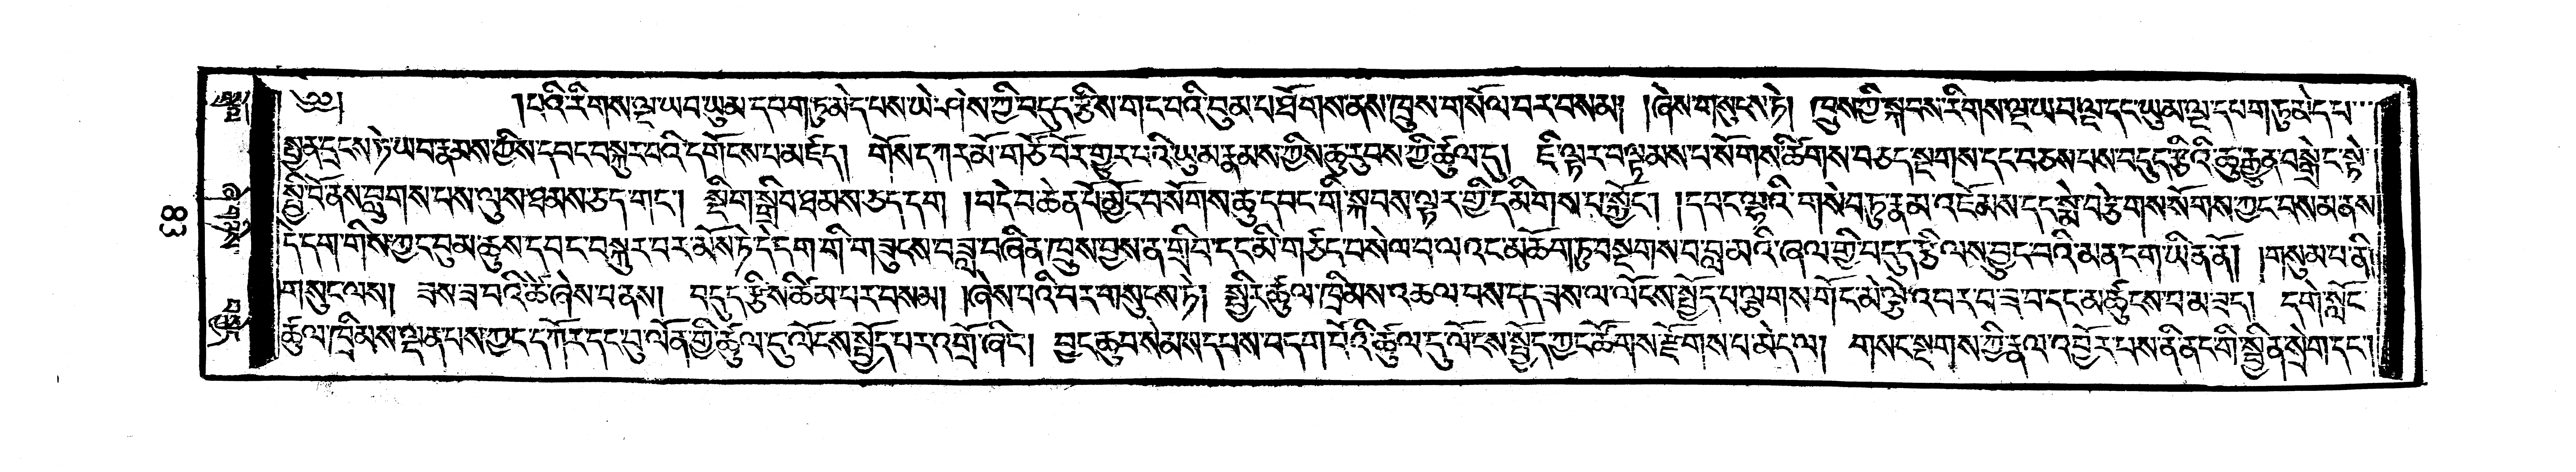༄༅། །པའི་རིགས་ལྔ་ཡབ་ཡུམ་དཔག་ཏུ་མེད་པས་ཡེ་ཤེས་ཀྱི་བདུད་རྩིས་གང་བའི་བུམ་པ་ཐོགས་ནས་ཁྲུས་གསོལ་བར་བསམ། ཞེས་གསུངས་ཏེ། ཁྲུས་ཀྱི་སྐབས་རིགས་ལྔ་ཡབ་ལྔ་དང་ཡུམ་ལྔ་དཔག་ཏུ་མེད་པ་
སྤྱན་དྲངས་ཏེ་ཡབ་རྣམས་ཀྱིས་དབང་བསྐུར་བའི་དགོངས་བ་མཛད། གོས་དཀར་མོ་གཙོ་བོར་གྱུར་བའི་ཡུམ་རྣམས་ཀྱི་ཆུ་རུབས་ཀྱི་ཚུལ་དུ། ཇི་ལྟར་བལྟམས་པ་སོགས་ཚིགས་བཅད་སྔགས་དང་བཅས་པས་བདུད་རྩིའི་ཆུ་རྒྱུན་སྦྲེང་སྟེ་
སྤྱི་བོ་ནས་བླུགས་པས་ལུས་ཐམས་ཅད་གང་། སྡིག་སྒྲིབ་ཐམས་ཅད་དག །བདེ་བ་ཆེན་པོ་མྱང་བ་སོགས་ཆུ་དབང་གི་སྐབས་ལྟར་གྱི་དམིགས་པ་སྐྱོང་། དབང་ལྷའི་གསེབ་ཏུ་རྣམ་འཇོམས་དང་སྨེ་བརྩེགས་སོགས་ཀྱང་བསམས་ནས་
དེ་དག་གིས་ཀྱང་བུམ་ཆུས་དབང་བསྐུར་བར་མོས་ཏེ་དེ་དག་གི་གཟུངས་བཟླ་བཞིན་ཁྲུས་བྱས་ན་གྲིབ་དང་མི་གཙང་བ་སེལ་བ་ལའང་མཆོག་ཏུ་བསྔགས་པ་བླ་མའི་ཞལ་གྱི་བདུད་རྩི་ལས་བྱུང་བའི་མན་ངག་ཡིན་ནོ། །གསུམ་པ་ནི།
གསུང་ལས། ཟས་ཟ་བའི་ཚེ་ཞེས་པ་ནས། བདུད་རྩིས་ཚིམ་པར་བསམ། ཞེས་པའི་བར་གསུངས་ཏེ། སྤྱིར་ཚུལ་ཁྲིམས་འཚལ་བས་དད་ཟས་ལ་ལོངས་སྤྱོད་པ་ལྕགས་གོང་མེ་ལྕེ་འབར་བ་ཟ་བ་དང་མཚུངས་པ་མ་ཟད། དགེ་སློང་
ཚུལ་ཁྲིམས་ལྡན་པས་ཀྱང་དཀོར་དང་བུ་ལོན་གྱི་ཚུལ་དུ་ལོངས་སྤྱོད་པར་འགྲོ་ཞིང་། བྱང་ཆུབ་སེམས་དཔས་བདག་པོའི་ཚུལ་དུ་ལོངས་སྤྱོད་ཀྱང་ཚོགས་རྫོགས་པ་མེད་ལ། གསང་སྔགས་ཀྱི་རྣལ་འབྱོར་པས་ནི་ནང་གི་སྦྱིན་སྲེག་དང་།